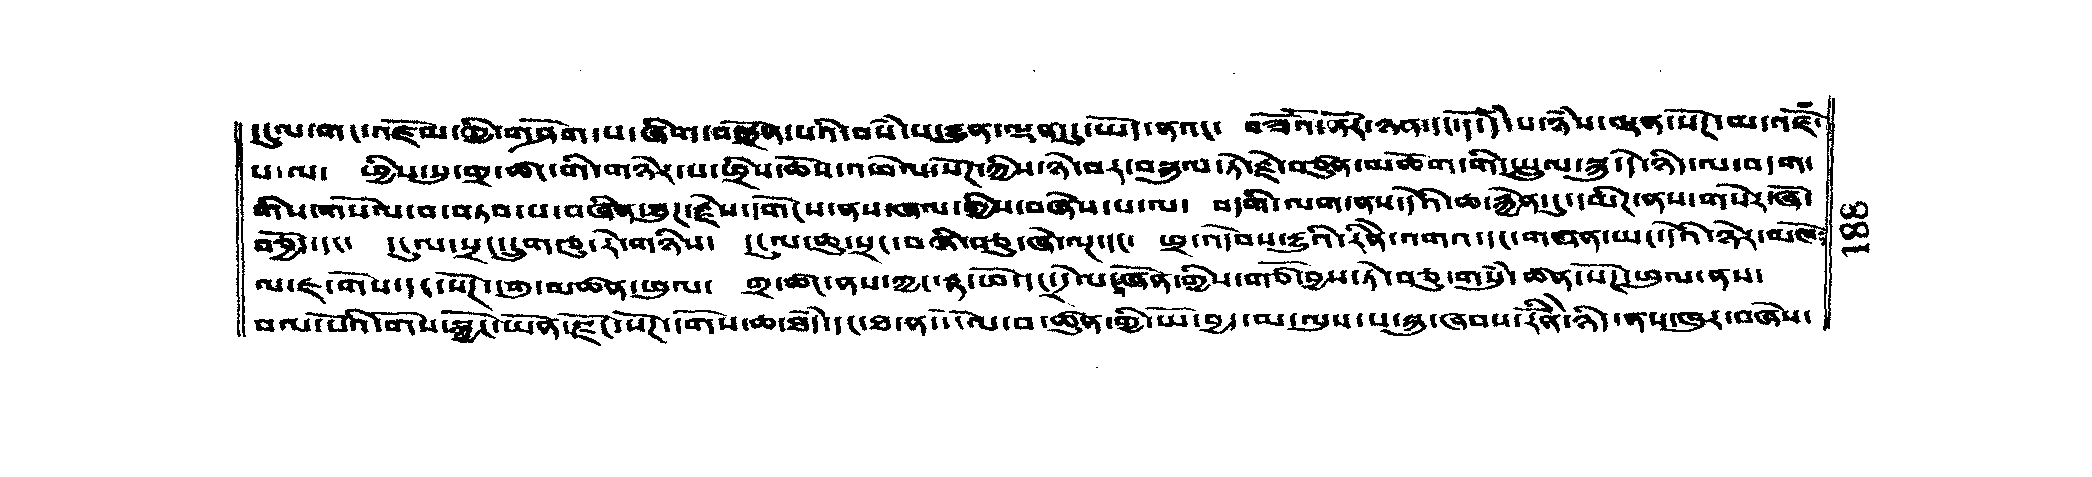དངུལ་གང་འཛོམ་གྱི་གཤོག་པ་ཞིག་བསྒྲོན་པའི་བསམ་པ་རྒྱུན་ལྡན་དུ་ཡོད་ནའང་། བཟོ་ནོར་ཉན་དང་དོ་དམ་པ་ཉམས་ལྡན་སོགས་མ་འཛོམ་
པ་ལ། ཕྱིས་སུ་གྲྭ་ཚང་གི་གཉེར་པ་ཕྲིན་ལས་ཆོས་འཕེལ་སོགས་ཀྱིས་ཉེ་བར་བསྐུལ་ཏེ་རྗེ་བཙུན་མཆོག་གི་སྤྲུལ་སྐུ་དེ་ཉིད་ལ་བདག་
གིས་གསོལ་བ་བཏབ་པ་བཞིན་ཐུགས་རྗེས་དགོངས་ནས་ཞལ་གྱིས་བཞེས་པ་ལ། བདག་གི་ལག་ནས་དེའི་ཆ་རྐྱེན་དུ་དམིགས་ནས་གསེར་ཞོ་
བཅོ་བརྒྱད་དང་། དངུལ་སྲང་དྲུག་ཅུ་རེ་གཉིས། དངུལ་ཆུ་སྲང་བཞི་བཅུ་ཞེ་ལྔ་དང་། ཕྲ་འདེབས་རྒྱུའི་རིན་ཆེན་འགའ་དང་གཞན་ཡང་དེའི་ཉེར་མཁོ་
ལ་ཇ་གོས་དར་སོགས་དགུ་ཚན་ཕུལ། གྲྭ་ཚང་ནས་ཀྱང་རྟ་ཕོ་དང་དྲེལ་གཞོན་གྱིས་གཙོ་བྱས་ཏེ་བཅུ་གསུམ་ཚན་སོགས་ཕུལ་ནས། 
བལ་པོའི་གསོ་སྐྱོང་ཡོན་རྫོངས་སོགས་དགོས་ཆ་ཐམས་ཅད་དང་ཐ་ན་སོལ་བ་ཚུན་གྱི་ཡོ་བྱད་མ་ལུས་པ་སྐུ་ཞབས་རིན་པོ་ཆེ་ཉིད་ནས་ཁུར་བཞེས་